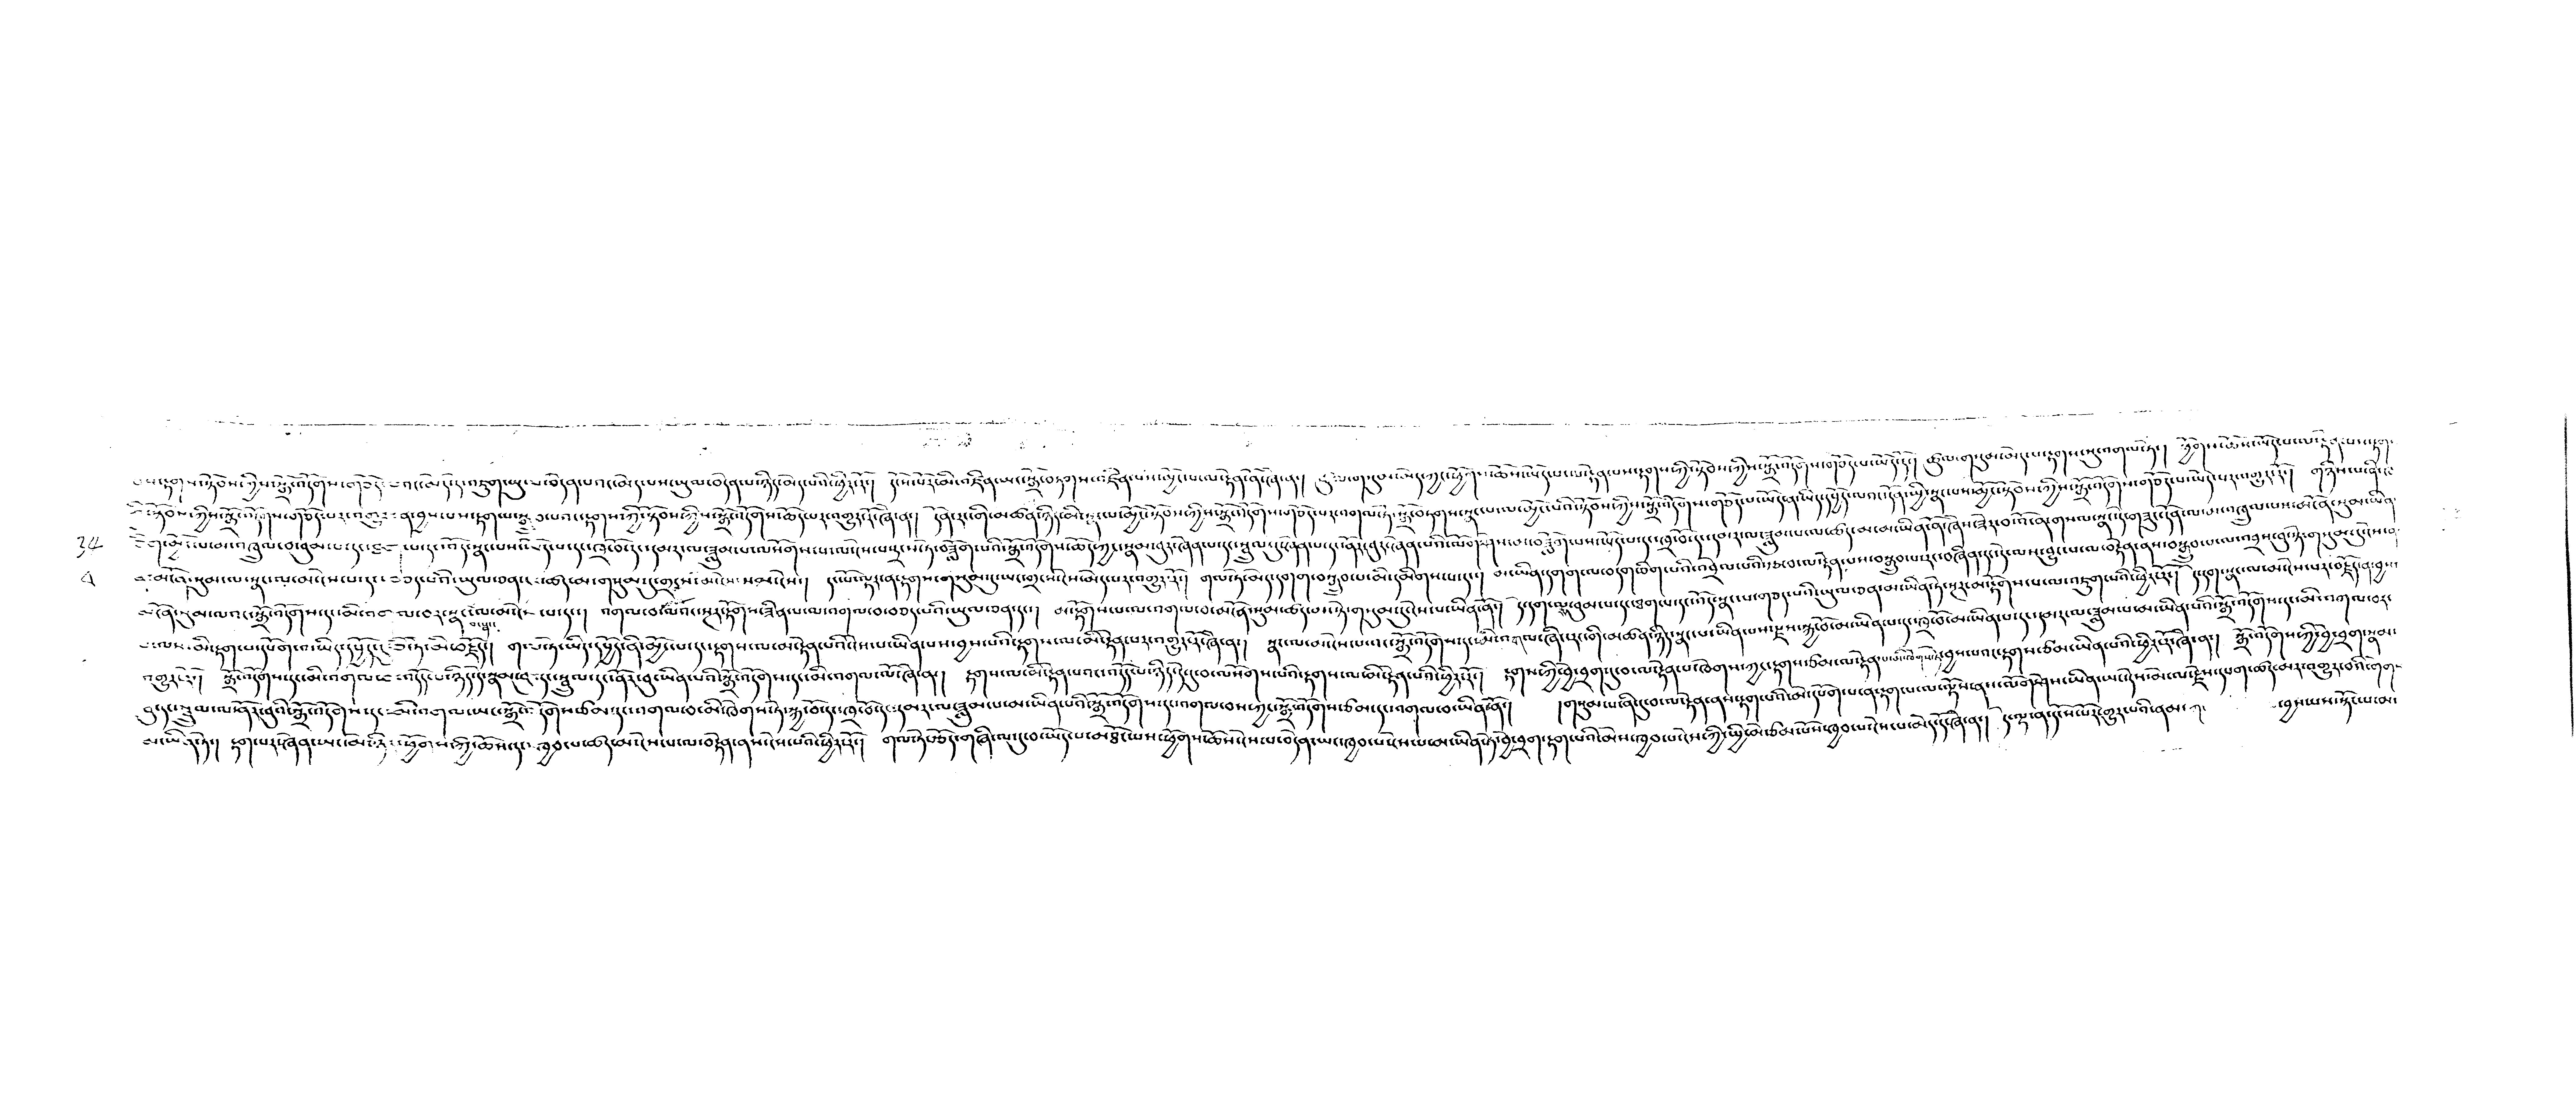པས་རྟགས་སྟོབས་ཀྱིས་སྒྲོ་འདོགས་གཅོད་པའང་མེད་དེ་འཇུག་ཡུལ་བདེན་པའང་མེད་པས་ཡུལ་བདེན་པ་ཉིད་མེད་པའི་ཕྱིར་རོ། དངོས་པོར་མི་འཛིན་ཡང་སྒྲོ་འདོགས་འཛིན་པས་མྱོང་བ་ལ་རྟེན་ནོ་ཞེ་ན། ཚུལ་གསུམ་ཡོད་ཀྱང་ཕྱོགས་ཆོས་ཡོད་པ་བརྟེན་པས་རྟགས་ཀྱི་སྟོབས་ཀྱིས་སྒྲོ་འདོགས་གཅོད་པ་ཡོད་དོ། ཚུལ་གསུམ་མེད་པ་རྟགས་སུ་འགལ་ཏེ། ཕྱོགས་ཆོས་ཡོད་པ་ལ་རྟེན་པ་རྟགས་
ཀྱི་སྟོབས་ཀྱིས་སྒྲོ་འདོགས་གཅོད་པར་འགྱུར་ན་བྱས་པས་རྟག་པ་སྒྲུབ་པའང་རྟགས་ཀྱི་སྟོབས་ཀྱིས་སྒྲོ་འདོགས་ཆོད་པར་འགྱུར་རོ་ཞེ་ན། དོན་རང་གི་མཚན་ཉིད་མི་སྣང་ལ་མྱོང་སྟོབས་ཀྱིས་སྒྲོ་འདོགས་གཅོད་པར་འགལ་ཏེ་སྒྲོ་འདོགས་སྣང་པ་ལ་མྱོང་པའི་སྟོབས་ཀྱིས་སྒྲོ་འདོགས་གཅོད་པ་ཡོད་ན་ཡིད་དཔྱོད་ལའང་དོན་སྤྱི་སྣང་པས་མྱོང་སྟོབས་ཀྱིས་སྒྲོ་འདོགས་གཅོད་པ་ཡོད་པར་འགྱུར་རོ། གཉིས་པ་ནི། ཁ་
ཅིག་མྱོང་པ་མ་འཁྲུལ་བ་བུམ་པ་དང་ཐག་པ་དང་འོད་སྣང་པས་ཡོད་པ་དང་ཁྲ་བོ་དང་དམར་ལ་ཟླུམ་པ་ལ་སོགས་པ་ལ་ངེས་པ་དྲངས་ཏེ་བཟློག་པའི་སྒྲོ་འདོགས་ཆོད་ཀྱང་སྣམ་བུར་ཞེན་པ་དང་སྦྲུལ་དུ་ཞེན་པ་དང་ནོར་བུར་ཞེན་པའི་ལོག་ཤེས་མ་བཟློག་པས་ཡོད་པ་དང་ཁྲ་བོ་དང་དམར་ལ་ཟླུམ་པ་ལ་ཚད་མ་མ་ཡིན་ནོ་ཞེས་ཟེར་བ་འོ་ན་གསལ་སྣང་དེ་གཟུང་དོན་ལ་མ་འཁྲུལ་པས་མངོན་སུམ་ཡིན་
ན་མངོན་སུམ་ལ་སྣང་ལ་མ་ངེས་པ་དང་བཅད་པའི་ཡུལ་ཅན་ལ་ཚད་མ་གསུམ་དུ་གྲངས་མ་ངེས་སམ་ངེས། དང་པོ་ལྟར་ན་རྟགས་གསུམ་དུ་ཡང་གྲངས་ངེས་མེད་པར་འགྱུར་རོ། གལ་ཏེ་མེད་དགག་བསྒྲུབ་པ་མི་དམིགས་པ་དང་། མ་ཡིན་དགག་ལ་བདག་ཅིག་པའི་འབྲེལ་པའི་རྩ་བ་ལ་རྟེན་པས་བསྒྲུབ་པ་རང་བཞིན་དང་དེ་ལས་བྱུང་པ་ལ་བརྟེན་ནས་བསྒྲུབ་པ་ལ་འབྲས་བུ་སྟེ་གསུམ་དུ་ངེས་ན་
མངོན་སུམ་ལའང་སྒྲོ་འདོགས་དང་མི་འགལ་བར་སྣང་བ་སྣང་ལ་མ་ངེས་པ་དང་། འགལ་བ་མའང་སྔར་རྟོགས་ཟིན་པ་མ་འགལ་བ་བཅད་པའི་ཡུལ་ཅན་དང་། མ་རྟོག་པ་ལ་འགལ་བ་མངོན་སུམ་ཚད་མ་སྟེ་གསུམ་དུ་ངེས་པ་ཡིན་ནོ། དེ་དག་ལས་བུམ་པ་དང་ཐག་པ་དང་འོད་སྣང་པ་གཅད་པའི་ཡུལ་ཅན་མ་ཡིན་ཏེ་སྔར་མ་རྟོགས་པ་ལ་འཇུག་པའི་ཕྱིར་རོ། དེ་དག་སྣང་ལ་མ་ངེས་པར་བརྗོད་ན་བྱས་
པ་ལས་མི་རྟག་པ་དཔོག་བ་ཡིད་དཔྱོད་དུ་?་ཏེ་མི་བརྗོད། གལ་ཏེ་ཡིད་དཔྱོད་ནི་མྱོང་པ་དང་རྟགས་ལ་མ་རྟེན་པའི་ངེས་པ་ཡིན་པས་བྱས་པའི་རྟགས་ལ་མི་རྟེན་པར་འགྱུར་རོ་ཞེ་ན། སྣང་ལ་མ་ངེས་པ་འང་སྒྲོ་འདོགས་དང་མི་འགལ་ཞིང་རང་གི་མཚན་ཉིད་སྣང་པ་ཡིན་པས་རྫས་སྐྱ་བོ་མ་ཡིན་པ་དང་ཁྲ་བོ་མ་ཡིན་པ་དང་དམར་ལ་ཟླུམ་པ་མ་ཡིན་པའི་སྒྲོ་འདོགས་དང་མི་འགལ་བར་
འགྱུར་རོ། སྒྲོ་འདོགས་རང་མི་འགལ་བར་འདོད་པ་ཉིད་དེ་སྣམ་བུ་དང་སྦྲུལ་དང་ནོར་བུ་ཡིན་པའི་སྒྲོ་འདོགས་དང་མི་འགལ་ལོ་ཞེ་ན། རྟགས་ལ་མི་རྟན་པའང་འདོད་པ་ཉིད་དེ་དུ་བ་ལ་སོགས་པའི་རྟགས་ལ་མི་རྟེན་པའི་ཕྱིར་རོ། རྟགས་ཀྱི་ཕྱེ་བྲག་དུ་བ་ལ་རྟེན་པ་ཁེགས་ཀྱང་རྟགས་ཙམ་ལ་རྟེན་པ་མི་ཁེགས་པ་ཏེ།  བྱས་པའང་རྟགས་ཙམ་ཡིན་པའི་ཕྱིར་རོ་ཞེ་ན། སྒྲོ་འདོགས་ཀྱི་བྱེ་བྲག་སྣམ་
བུ་དང་སྦྲུམ་ལ་ནོར་བུའི་སྒྲོ་འདོགས་དང་མི་འགལ་ཡང་སྒྲོ་འདོགས་ཙམ་དང་འགལ་བ་མི་ཁེགས་ཏེ་སྐྱ་བོ་དང་ཁྲ་བོ་དང་དམར་ལ་ཟླུམ་པ་མ་ཡིན་པའི་སྒྲོ་འདོགས་དང་འགལ་བས་ཀྱང་སྒྲོ་འདོགས་ཙམ་དང་འགལ་བ་ཡིན་ནོ། །གསུམ་པ་ནི་དུ་བ་ལ་རྟེན་ནས་རྟག་པའི་མེ་དཔོག་པ་ན་རྟག་པ་ལ་ལྟོས་ནས་ལོག་ཤེས་ཡིན་ཡང་དེས་མོ་ལ་རྗེས་དཔག་ཚད་མར་འགྱུར་བའི་གེགས་
མ་ཡིན་ཏེ། རྟག་པར་ཞེན་ཡང་མེ་ཉིང་ཕྱོགས་ཀྱི་ཆོས་དང་ཁྱབ་པ་ཚད་མ་ངེས་པ་ལ་བརྟེན་ནས་ངེས་པའི་ཕྱིར་རོ། གལ་ཏེ་ཆོད་གཞི་ལ་དུ་བ་ཡོད་པ་མཐོང་པས་ཕྱོགས་ཆོས་ངེས་པ་བདེན་ཡང་ཁྱབ་པ་ངེས་པ་མ་ཡིན་ཏེ་བྱེ་བྲག་རྟག་པའི་མེས་ཁྱབ་པ་ངེས་ཀྱི་ཕྱི་མེ་ཙམ་པོས་ཁྱབ་པ་ངེས་པ་མེད་དོ་ཞེ་ན། དེ་ལྟ་ན་དངོས་པོར་གྱུར་པའི་ནམ་ཀ། བྱས་པས་སྟོང་པ་མ་